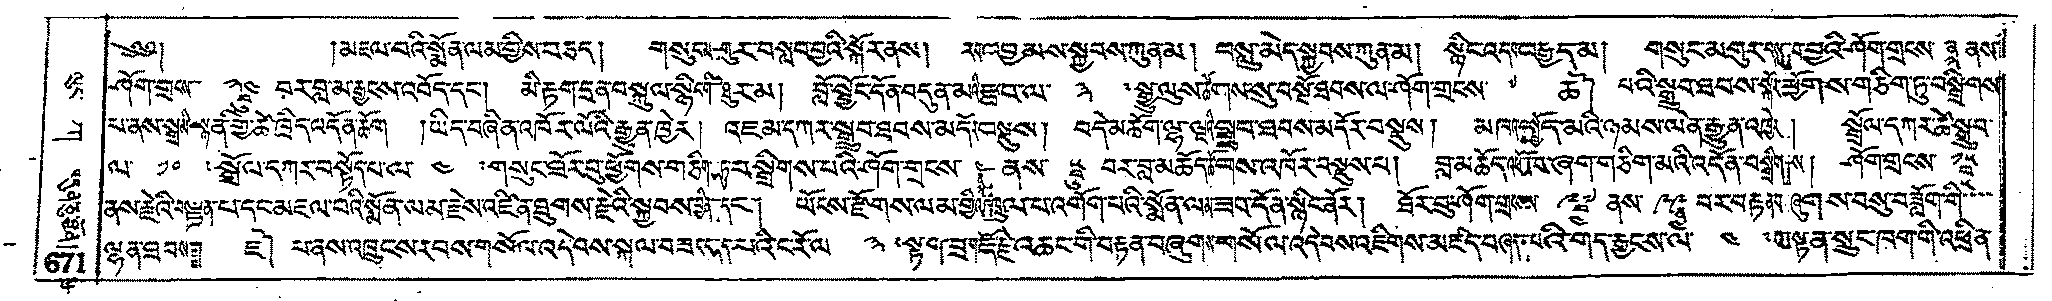༄༅། །མཇལ་བའི་སྨོན་ལམ་གྱིས་བཅད། གསུང་མགུར་བསླབ་བྱའི་སྐོར་ནས། རབ་འབྱམས་སྐྱབས་ཀུན་མ། བསླུ་མེད་སྐྱབས་ཀུན་མ། སྙིང་འདབ་བརྒྱད་མ། གསུང་མགུར་བསླབ་བྱའི་ཤོག་གྲངས་ན༢་ནས་
ཤོག་གྲངས ༢༤བ༦་བར་བླ་མ་རྒྱངས་འབོད་དང་། མི་རྟག་དྲན་བསྐུལ་སྙིང་གི་ཐུར་མ། བློ་སྦྱོང་དོན་བདུན་མའི་རྩ་བ་ལ ༣ ༧སྒྱུ་ལུས་ཚོགས་སུ་བསྔོ་ཐབས་ལ་ཤོག་གྲངས ༧་ཆ་པའི་སྒྲུབ་ཐབས་སྐོར་ཕྱོག་གཅིག་ཏུ་བསྒྲིགས་
པ་ནས་སྒྲ་མི་སྙན་གྱི་ཚེ་ཁྲིད་འདོན་ཆོག །ཡིད་བཞིན་འཁོར་ལོའི་རྒྱུན་ཁྱེར། འཇམ་དཀར་སྒྲུབ་ཐབས་མདོར་བསྡུས། བདེ་མཆོག་ལྷ་ལྔའི་སྒྲུབ་ཐབས་མདོར་བསྡུས། མཁའ་སྤྱོད་མའི་ཉམས་ལེན་རྒྱུན་འཁྱེར། སྒྲོལ་དཀར་ཚེ་སྒྲུབ་
ལ ༡༠ ༧སྒྲོལ་དཀར་བསྟོད་པ་ལ ༤ ༧གསུང་ཐོར་བུ་ཕྱོགས་གཅིག་ཏུ་བསྒྲིགས་པའི་ཤོག་གྲངས ༤ན༢་ནས ༥བ༦་བར་བླ་མཆོད་ཚོགས་འཁོར་བསྡུས་པ། བླ་མཆོད་འཕོ་བ་ཞག་གཅིག་མའི་འདོན་བསྒྲིགས། ཤོག་གྲངས ༡༥བ༥
ནས་རྗེའི་བསྟན་པ་དང་མཇལ་བའི་སྨོན་ལམ་རྗེས་འཛིན་ཐུགས་རྗེའི་སྐྱབས་བྱིན་དང་། ཡོངས་རྫོགས་ལམ་གྱི་འཁྲུལ་པ་འགོག་པའི་སྨོན་ལམ་ཟབ་དོན་སྙིང་ནོར། ཐོར་བུ་ཤོག་གྲངས ༩༧བ༤་ནས ༩༩ན ༤་བར་བརྟན་བཞུགས་བསུ་བཟློག་གི་
ལྷན་ཐབས། ཇ་པ་ནས་འཁྲུངས་རབས་གསོལ་འདེབས་སྐལ་བཟང་དད་པའི་ང་རོ་ལ ༣ ༧སྟག་བྲག་རྡོ་རྗེ་འཆང་གི་བརྟན་བཞུགས་གསོལ་འདེབས་འཇིགས་མཛད་བཞད་པའི་གད་རྒྱངས་ལ ༤ ༧བསྟན་སྲུང་ཁག་གི་འཕྲིན་